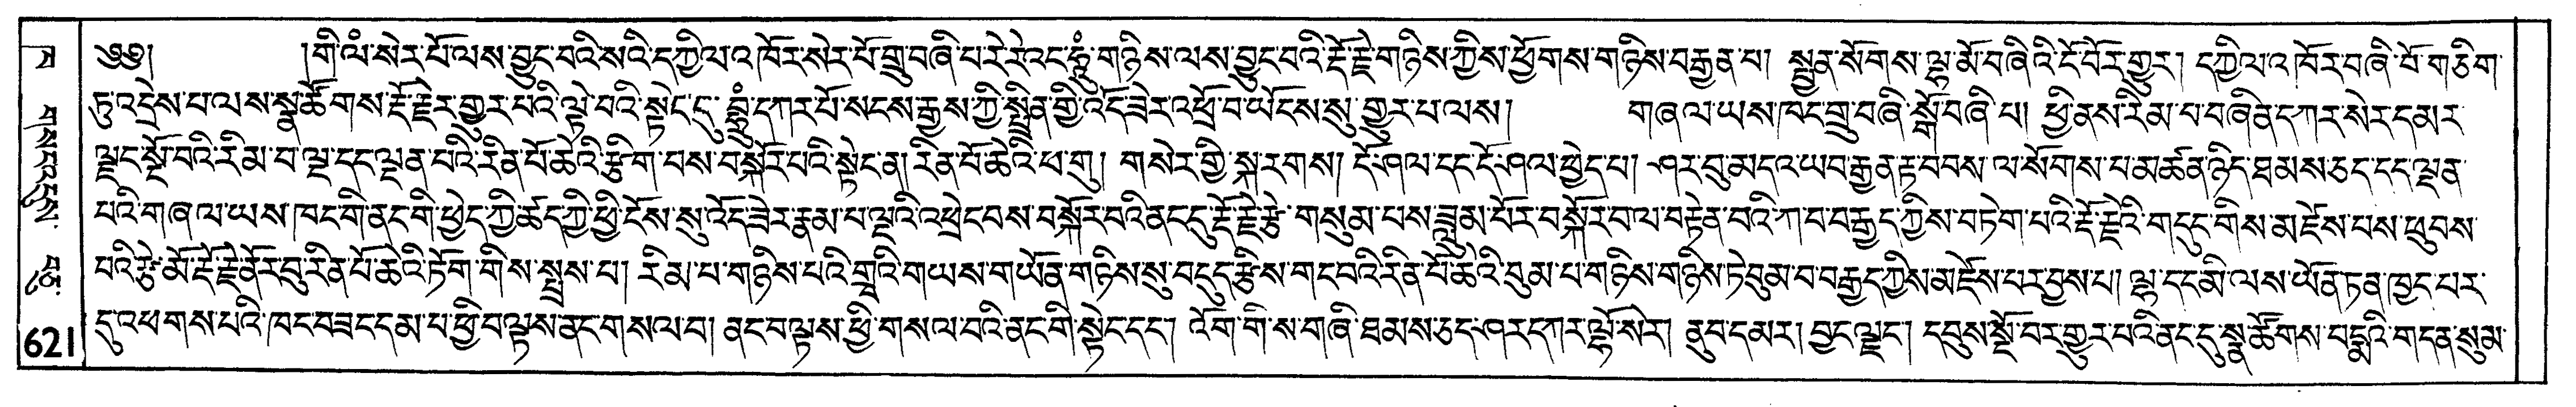༄༅། །གི་ལཾ་སེར་པོ་ལས་བྱུང་བའི་སའི་དཀྱིལ་འཁོར་སེར་པོ་གྲུ་བཞི་པ་རེ་རེའང་ཧཱུཾ་གཉིས་ལས་བྱུང་བའི་རྡོ་རྗེ་གཉིས་ཀྱིས་ཕྱོགས་གཉིས་བརྒྱན་པ། སྤྱན་སོགས་ལྷ་མོ་བཞིའི་ངོ་བོར་གྱུར། དཀྱིལ་འཁོར་བཞི་པོ་གཅིག་
ཏུ་འདྲེས་པ་ལས་སྣ་ཚོགས་རྡོ་རྗེར་གྱུར་པའི་ལྟེ་བའི་སྟེང་དུ་བྷྲུཾ་དཀར་པོ་སངས་རྒྱས་ཀྱི་སྤྲིན་གྱི་འོད་ཟེར་འཕྲོ་བ་ཡོངས་སུ་གྱུར་པ་ལས། གཞལ་ཡས་ཁང་གྲུ་བཞི་སྒོ་བཞི་པ། ཕྱི་ནས་རིམ་པ་བཞིན་དཀར་སེར་དམར་
ལྗང་སྔོ་བའི་རིམ་པ་ལྔ་དང་ལྡན་པའི་རིན་པོ་ཆེའི་རྩིག་པས་བསྐོར་པའི་སྟེང་ན། རིན་པོ་ཆེའི་ཕ་གུ །གསེར་གྱི་སྐ་རགས། དོ་ཤལ་དང་དོ་ཤལ་ཕྱེད་པ། ཤར་བུ་མདའ་ཡབ་རྒྱན་རྟ་བབས་ལ་སོགས་པ་མཚན་ཉིད་ཐམས་ཅད་དང་ལྡན་
པའི་གཞལ་ཡས་ཁང་གི་ནང་གི་ཕྱེད་ཀྱི་ཚད་ཀྱི་ཕྱི་ངོས་སུ་འོད་ཟེར་རྣམ་པ་ལྔའི་འཕྲེང་བས་བསྐོར་བའི་ནང་དུ་རྡོ་རྗེ་རྩེ་གསུམ་པས་ཟླུམ་པོར་བསྐོར་བ་ལ་བརྟེན་པའི་ཀ་བ་བརྒྱད་ཀྱིས་བཏེག་པའི་རྡོ་རྗེའི་གདུང་གིས་མཛེས་པས་ཕུབས་
པའི་རྩེ་མོ་རྡོ་རྗེ་ནོར་བུ་རིན་པོ་ཆེའི་ཏོག་གིས་སྤྲས་པ། རིམ་པ་གཉིས་པའི་གྲྭའི་གཡས་གཡོན་གཉིས་སུ་བདུད་རྩིས་གང་བའི་རིན་པོ་ཆེའི་བུམ་པ་གཉིས་གཉིས་ཏེ་བུམ་པ་བརྒྱད་ཀྱིས་མཛེས་པར་བྱས་པ། ལྷ་དང་མི་ལས་ཡོན་ཏན་ཁྱད་པར་
དུ་འཕགས་པའི་ཁང་བཟང་དམ་པ་ཕྱི་བལྟས་ནང་གསལ་བ། ནང་བལྟས་ཕྱི་གསལ་བའི་ནང་གི་སྟེང་དང་། འོག་གི་ས་གཞི་ཐམས་ཅད་ཤར་དཀར་ལྷོ་སེར། ནུབ་དམར། བྱང་ལྗང་། དབུས་སྔོ་བར་གྱུར་པའི་ནང་དུ་སྣ་ཚོགས་པདམའི་གདན་སུམ་